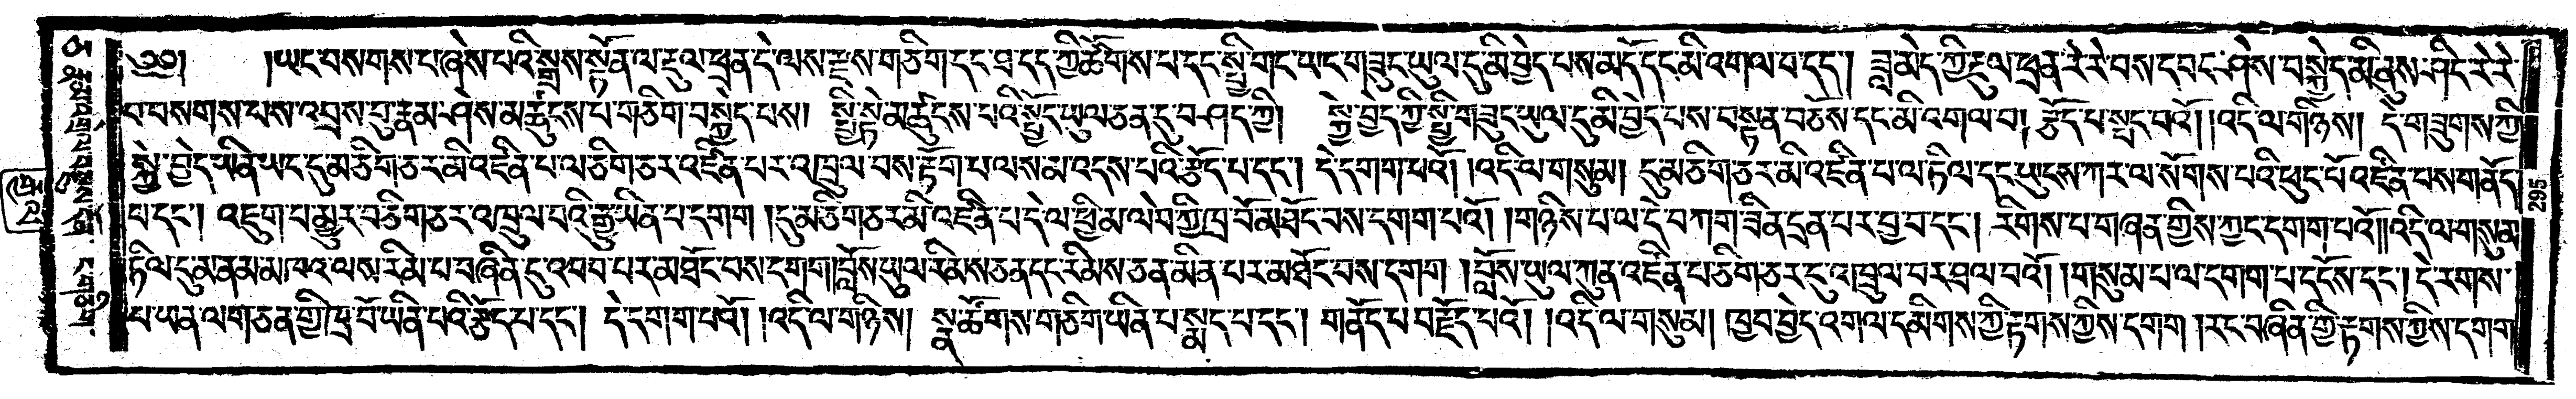༄༅། །ཡང་བསགས་པ་ཞེས་པའི་སྒྲས་སྟོན་ལ་རྡུལ་ཕྲན་དེ་ལས་རྫས་གཅིག་དང་ཐ་དད་ཀྱི་ཚོགས་པ་དང་སྤྱི་གང་ཡང་གཟུང་ཡུལ་དུ་མི་བྱེད་པས་མདོ་དང་མི་འགལ་བ་དང་། ཟླ་མེད་ཀྱི་རྡུལ་ཕྲན་རེ་རེ་བས་དབང་ཤེས་བསྐྱེད་མི་ནུས་ཤིང་རེ་རེ་
པ་བསགས་པས་འབྲས་བུ་རྣམ་ཤེས་མཚུངས་པ་གཅིག་བསྐྱེད་པས། སྤྱི་སྟེ་མཚུངས་པའི་སྤྱོད་ཡུལ་ཅན་དུ་བཤད་ཀྱི། སྐྱེ་བྱེད་ཀྱི་སྤྱི་གཟུང་ཡུལ་དུ་མི་བྱེད་པས་བསྟན་བཅོས་དང་མི་འགལ་བ། རྩོད་པ་སྤང་བའོ། །འདི་ལ་གཉིས། དེ་གཟུགས་ཀྱི་
སྐྱེ་བྱེད་ཡིན་ཡང་དུ་མ་ཅིག་ཅར་མི་འཛིན་པ་ལ་ཅིག་ཅར་འཛིན་པར་འཁྲུལ་བས་རྟོག་པ་ལས་མ་འདས་པའི་རྩོད་པ་དང་། དེ་དགག་པའོ། །འདི་ལ་གསུམ། དུ་མ་ཅིག་ཅར་མི་འཛིན་པ་ལ་ཏིལ་དང་ཡུངས་ཀར་ལ་སོགས་པའི་ཕུང་པོ་འཛིན་པས་གནོད་
པ་དང་། འཇུག་པ་མྱུར་བ་ཅིག་ཅར་འཁྲུལ་པའི་རྒྱུ་ཡིན་པ་དགག །དུ་མ་ཅིག་ཅར་མི་འཛིན་པ་དེ་ལ་ཕྱི་མ་ལེབ་ཀྱི་ཁྲ་བོ་མཐོང་བས་དགག་པའོ། །གཉིས་པ་ལ་དེ་བཀག་ཟིན་དྲན་པར་བྱ་བ་དང་། རིགས་པ་གཞན་གྱིས་ཀྱང་དགག་པའོ། །འདི་ལ་གསུམ་
ཏིལ་དུ་མ་ནམ་མཁའ་ལས་རིམ་པ་བཞིན་དུ་འབབ་པར་མཐོང་བས་དགག །བློས་ཡུལ་རིམས་ཅན་དང་རིམས་ཅན་མིན་པར་མཐོང་བས་དགག །བློས་ཡུལ་ཀུན་འཛིན་པ་ཅིག་ཅར་དུ་འཁྲུལ་བར་ཐལ་བའོ། །གསུམ་པ་ལ་དགག་པ་དངོས་དང་། དེ་རགས་
པ་ཡན་ལག་ཅན་གྱི་ཁྲ་བོ་ཡིན་པའི་རྩོད་པ་དང་། དེ་དགག་པའོ། །འདི་ལ་གཉིས། སྣ་ཚོགས་གཅིག་ཡིན་པ་སྨད་པ་དང་། གནོད་པ་བརྗོད་པའོ། །འདི་ལ་གསུམ། ཁྱབ་བྱེད་འགལ་དམིགས་ཀྱི་རྟགས་ཀྱིས་དགག །རང་བཞིན་གྱི་རྟགས་ཀྱིས་དགག་